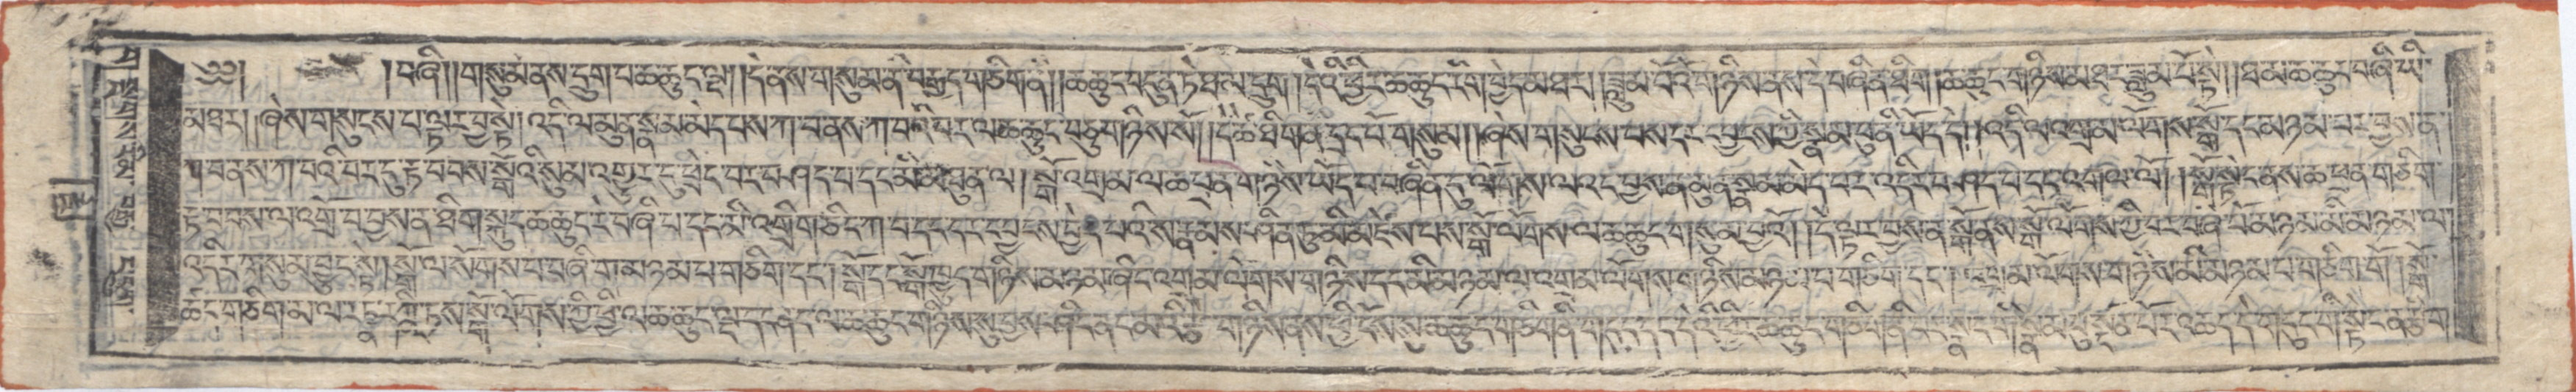༄༅། །བཞི། །གསུམ་ནས་དྲུག་པ་ཆ་ཆུང་ལྔ། །དེ་ནས་གསུམ་ནི་བརྒྱད་གཅིག་ནི། །ཆ་ཆུང་བདུན་ཏེ་ཐ་མ་དྲུག །དེའི་ཕྱིར་ཆ་ཆུང་རིག་བྱེད་མཐར། །ཟླུམ་པོའོ་གཉིས་ནས་དེ་བཞིན་ཐིག །ཆ་ཆུང་གཉིས་མཐར་ཟླུམ་པོ་སྟེ། །ཐ་མ་ཆ་ཆུང་བཞི་ཡི་
མཐར། །ཞེས་གསུངས་པ་ལྟར་བྱ་སྟེ། འདི་ལ་མུན་སྣམ་མེད་པས་ཀ་བ་ནས་ཀ་བའི་བར་ལ་ཆ་ཆུང་བཅུ་གཉིས་སོ། །དེ་ཚེ་ཐིག་ནི་དྲང་པོ་གསུམ། །ཞེས་གསུངས་པས་དར་དཔྱངས་ཀྱི་སྣམ་བུ་ནི་ཡོད་དེ། །འདི་ལ་འགྲམ་ལོགས་སྒོ་དང་མཉམ་པར་བྱས་ན་
ཀ་བ་ནས་ཀ་བའི་བར་དུ་རྟ་བབས་སྒོའི་སུམ་འགྱུར་དུ་ཕྲེང་བར་བཤད་པ་དང་མི་མཐུན་ལ། སྒོ་འགྲམ་ལ་ཆ་ཕྲན་གཉིས་ཡོད་པ་བཞིན་དུ་ལོགས་ལའང་བྱས་ན་མུན་སྣམ་མེད་པར་འདིར་བཤད་པ་དང་འགལ་ལོ། །སྒོ་སྟེང་ནས་ཆ་ཕྲན་གཅིག་
རྟ་བབས་ལ་འགྲོ་བ་བྱས་ན་ཐིག་སྐུད་ཆ་ཆུང་རེ་བཞི་པ་དང་མི་འགྲིག་ཅིང་ཀ་བ་དང་དར་དཔྱངས་བྱེད་པའི་ས་རྣམས་ཤིན་ཏུ་མི་མཛེས་པས་སྒོ་ལོགས་ལ་ཆ་ཆུང་གསུམ་བྱའོ། །དེ་ལྟར་བྱས་ན་སྒོ་ནས་སྒོ་ལོགས་ཀྱི་བར་བཞི་པོ་མཉམ་མི་མཉམ་ལ་
འདིར་གསུམ་བྱུང་སྟེ། སྒོ་ལ་སོགས་པ་བཞི་ག་མཉམ་པ་གཅིག་དང་། སྒོ་དང་སྒོ་ཁྱུད་གཉིས་མཉམ་ཞིང་འགྲམ་ལོགས་གཉིས་དང་མི་མཉམ་ལ་འགྲམ་ལོགས་གཉིས་མཉམ་པ་གཅིག་དང་། འགྲམ་ལོགས་གཉིས་མི་མཉམ་པ་གཅིག་གོ །སྒོ་
ཚད་གཅིག་མ་ལ་རཏྣ་རཀྵི་ཏས་སྒོ་ལོགས་ཀྱི་ཕྱི་ལ་ཆ་ཆུང་ལྔ་དང་ནང་ལ་ཆ་ཆུང་གཉིས་སུ་བྱས་ཤིང་ནང་མའི་རྩེ་གཉིས་ནས་ཕྱི་ངོས་སུ་ཆ་ཆུང་གཅིག་ནི་གདུང་དང་དེའི་ཕྱིར་ཆ་ཆུང་གཅིག་ནི་བར་སྣང་གི་སྣམ་བུ་སྔོན་པོར་འཆད་དེ་གདུང་གི་སྟེང་ན་རྩིག་